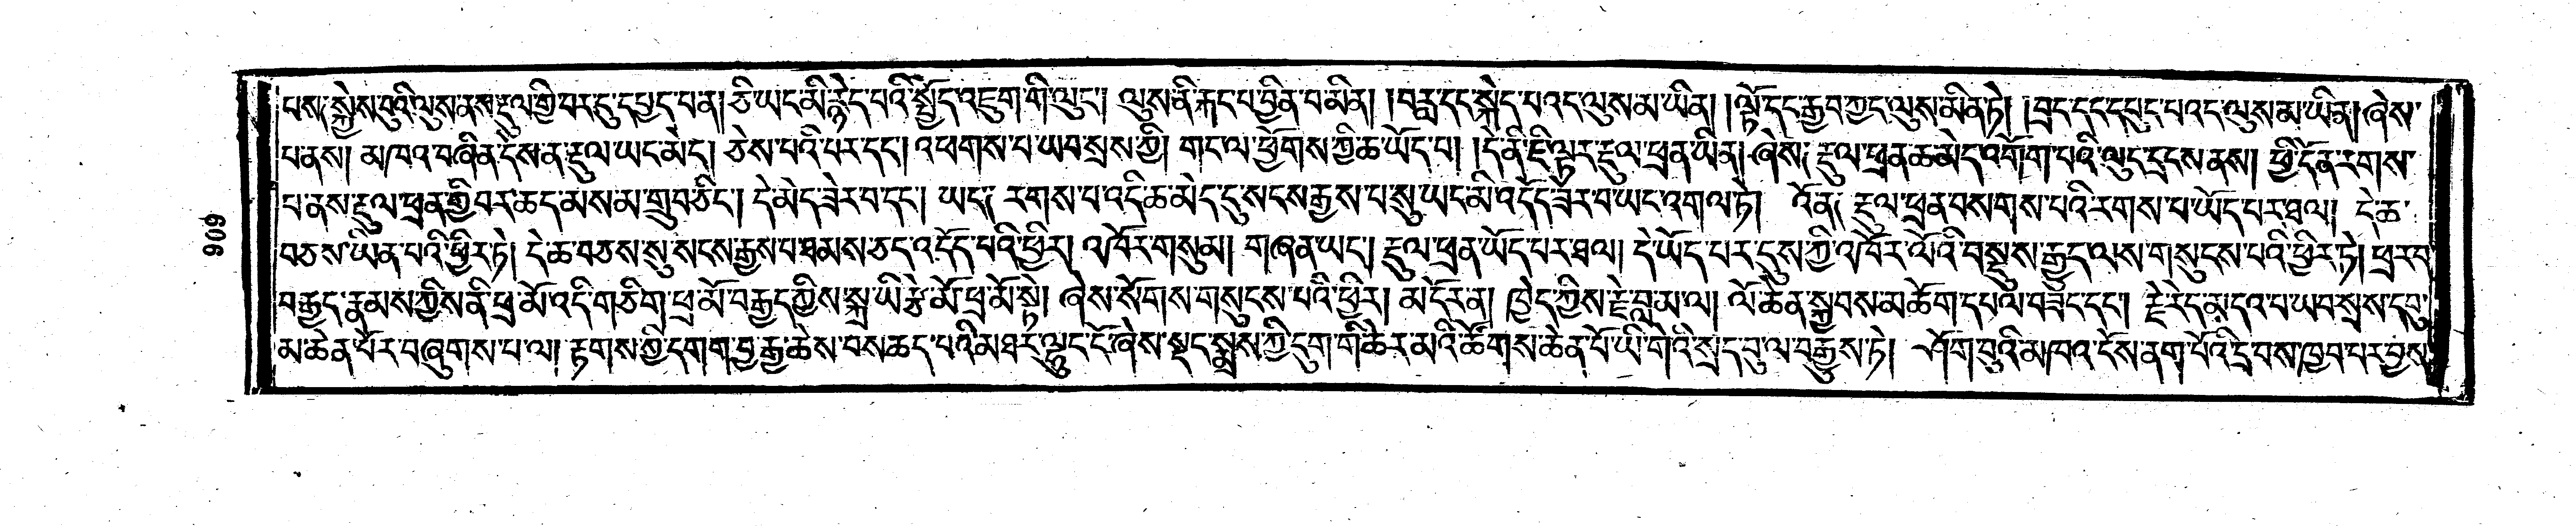བས། སྐྱེས་བུའི་ལུས་ནས་རྡུལ་གྱི་བར་དུ་དཔྱད་པ་ན། ཅི་ཡང་མི་རྙེད་པའི་སྤྱོད་འཇུག་གི་ལུང་། ལུས་ནི་རྐང་པ་བྱིན་པ་མིན། །བརླ་དང་སྐེད་པའང་ལུས་མ་ཡིན། །ལྟོ་དང་རྒྱབ་ཀྱང་ལུས་མིན་ཏེ། །བྲང་དང་དཔུང་པའང་ལུས་མ་ཡིན། ཞེས་
པ་ནས། མཁའ་བཞིན་དེས་ན་རྡུལ་ཡང་མེད། ཅེས་པའི་བར་དང་། འཕགས་པ་ཡབ་སྲས་ཀྱི། གང་ལ་ཕྱོགས་ཀྱི་ཆ་ཡོད་པ། །དེ་ནི་ཇི་ལྟར་རྡུལ་ཕྲན་ཡིན། ཞེས༑ རྡུལ་ཕྲན་ཆ་མེད་འགོག་པའི་ལུང་དྲངས་ནས། ཕྱི་དོན་རགས་
པ་ནས་རྡུལ་ཕྲན་གྱི་བར་ཚད་མས་མ་གྲུབ་ཅིང་། དེ་མེད་ཟེར་བ་དང་། ཡང༑ རགས་པ་འདི་ཆ་མེད་དུ་སངས་རྒྱས་པ་སུ་ཡང་མི་འདོད་ཟེར་བ་ཡང་འགལ་ཏེ། འོ་ན༑ རྡུལ་ཕྲན་བསགས་པའི་རགས་པ་ཡོད་པར་ཐལ། དེ་ཆ་
བཅས་ཡིན་པའི་ཕྱིར་ཏེ། དེ་ཆ་བཅས་སུ་སངས་རྒྱས་པ་ཐམས་ཅད་འདོད་པའི་ཕྱིར། འཁོར་གསུམ། གཞན་ཡང་། རྡུལ་ཕྲན་ཡོད་པར་ཐལ། དེ་ཡོད་པར་དུས་ཀྱི་འཁོར་ལོའི་བསྡུས་རྒྱུད་ལས་གསུངས་པའི་ཕྱིར་ཏེ། ཕྲ་རབ་
བརྒྱད་རྣམས་ཀྱིས་ནི་ཕྲ་མོ་འདི་གཅིག་ཕྲ་མོ་བརྒྱད་ཀྱིས་སྐྲ་ཡི་རྩེ་མོ་ཕྲ་མོ་སྟེ། ཞེས་སོགས་གསུངས་པའི་ཕྱིར། མདོར་ན། ཁྱེད་ཀྱིས་རྗེ་བླ་མ་ལ། ལོ་ཆེན་སྐྱབས་མཆོག་དཔལ་བཟང་དང་། རྗེ་རེད་མདའ་བ་ཡབ་སྲས་དབུ་
མ་ཆེན་པོར་བཞུགས་པ་ལ། རྟགས་ཀྱི་དགག་བྱ་རྒྱ་ཆེས་བས་ཆད་པའི་མཐར་ལྷུང་ངོ་ཞེས་སྡང་སྨྲས་ཀྱི་དུག་གི་ཚེར་མའི་ཚོགས་ཆེན་པོ་ཡི་གེའི་སྲད་བུ་ལ་བརྒྱུས་ཏེ། ཤོག་བུའི་མཁའ་ངོས་ནག་པོའི་དྲ་བས་ཁྱབ་པར་བྱས་